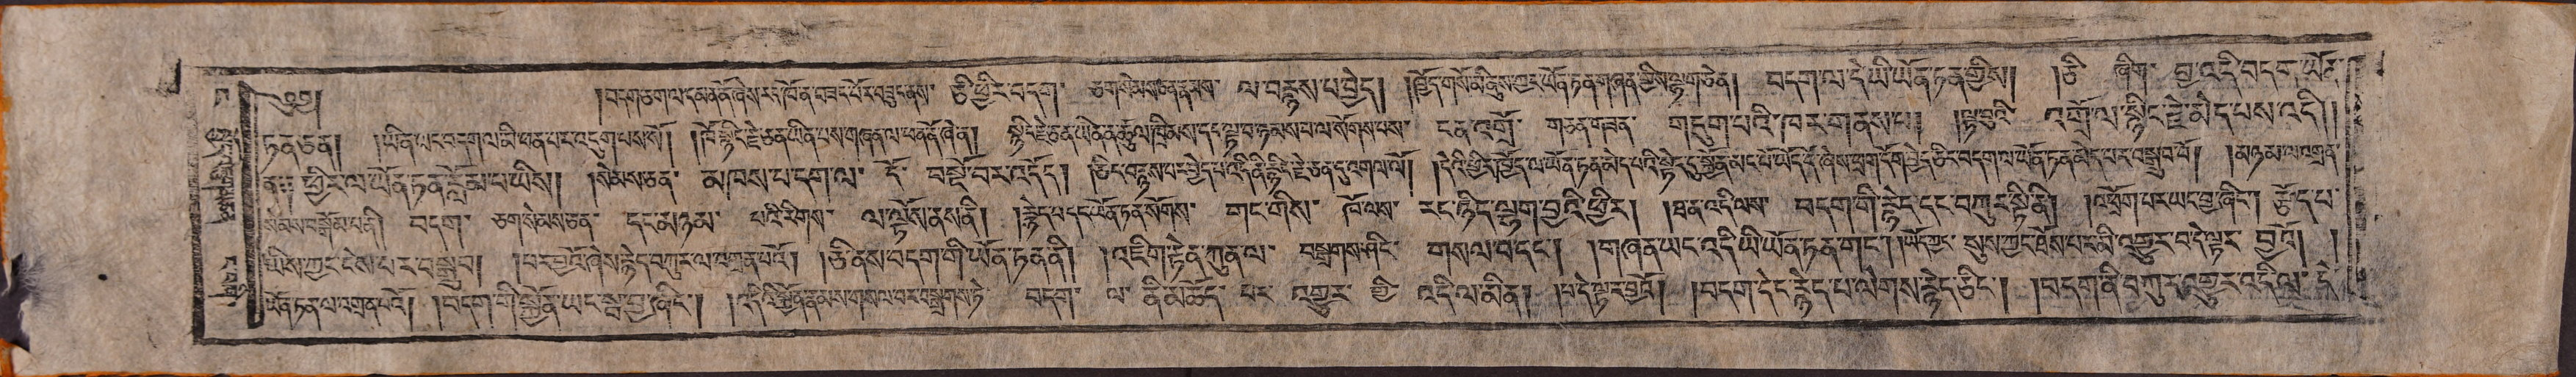༄༅། ། བདག་ཅག་ཡ་དམན་ནོ་ཞེས་རང་ཁོ་ན་བཟང་པོར་བཟུང་ནས་ཅི་ཕྱིར་བདག་ཅག་སེམས་ཅན་རྣམས་ལ་བརྙས་པ་བྱེད། །ཁྱོད་གསོ་མི་ནུས་ཀྱང་ཡོན་ཏན་གཞན་གྱིས་ལྷག་ཅེ་ན།  བདག་ལ་དེ་ཡི་ཡོན་ཏན་གྱིས། །ཅི་ཞིག་བྱ་འདི་བདག་ཡོན་
ཏན་ཅན། །ཡིན་ཡང་བདག་ལ་མི་ཕན་པར་འདུག་པས་སོ། །ཁོ་སྙིང་རྗེ་ཅན་ཡིན་པས་གཞན་ལ་ཕན་ནོ་ཞེ་ན། སྙིང་རྗེ་ཅན་ཡིན་ན་ཚུལ་ཁྲིམས་དང་ལྟ་བ་ཉམས་པ་ལ་སོགས་པས་ངན་འགྲོ་གཅན་གཟན་གདུག་པའི་ཁར་གནས་པ། །ལྟ་བུའི་འགྲོ་ལ་སྙིང་རྗེ་མེད་པས་འདི། །
ནི༑  ཕྱིར་ལ་ཡོན་ཏན་རློམ་པ་ཡིས། །སེམས་ཅན་མཁས་པ་དག་ལ་དོ་བསྔོ་བར་འདོད། །ཅིང་བརྙས་པར་བྱེད་པ་འདི་ནི་སྙིང་རྗེ་ཅན་དུ་འགལ་ལོ། །དེའི་ཕྱིར་ཁྱོད་ལ་ཡོན་ཏན་མེད་པའི་སྟེང་དུ་སྐྱོན་མང་པོ་ཡོད་དོ་ཞེས་བྲག་དོག་བྱེད་ཅིང་བདག་ལ་ཡོན་ཏན་མེད་པར་བསྒྲུབ་བོ། །མཉམ་ལ་འགྲན་
སེམས་བསྒོམ་པ་ནི། བདག་ཅག་སེམས་ཅན་དང་མཉམ་པའི་རིགས་ལ་ལྟོས་ནས་ནི། །རྙེད་པ་དང་ཡོན་ཏན་སོགས་གང་གིས་ཁོ་ལས་རང་ཉིད་ལྷག་བྱའི་ཕྱིར། །ཐ་ན་འདི་ལས་བདག་གི་རྙེད་དང་བཀུར་སྟི་ནི། །འཕྲོག་པར་ཡང་བྱ་ཞིང་།  རྩོད་པ་
ཡིས་ཀྱང་ངེས་པར་བསྒྲུབ། །བར་བྱའོ་ཞེས་རྙེད་བཀུར་ལ་འགྲན་བའོ།  །ཅི་ནས་བདག་གི་ཡོན་ཏན་ནི། །འཇིག་རྟེན་ཀུན་ལ་བསྒྲགས་ཤིང་གསལ་བ་དང་། །གཞན་ཡང་འདི་ཡི་ཡོན་ཏན་གང་། །ཡོད་ཀྱང་སུས་ཀྱང་ཐོས་པར་མི་འགྱུར་བ་དེ་ལྟར་བྱའོ། །
ཡོན་ཏན་ལ་འགྲན་པའོ།  །བདག་གི་སྐྱོན་ཡང་སྦ་བྱ་ཞིང་། །འདིའི་སྐྱོན་རྣམས་གསལ་བར་བསྒྲགས་ཏེ་བདག་ལ་ནི་མཆོད་པར་འགྱུར་གྱི་འདི་ལ་མིན། །བ་དེ་ལྟར་བྱའོ། །བདག་དེང་རྙེད་པ་ལེགས་རྙེད་ཅིང་། །བདག་ནི་བཀུར་འགྱུར་འདི་ལ་དེ་